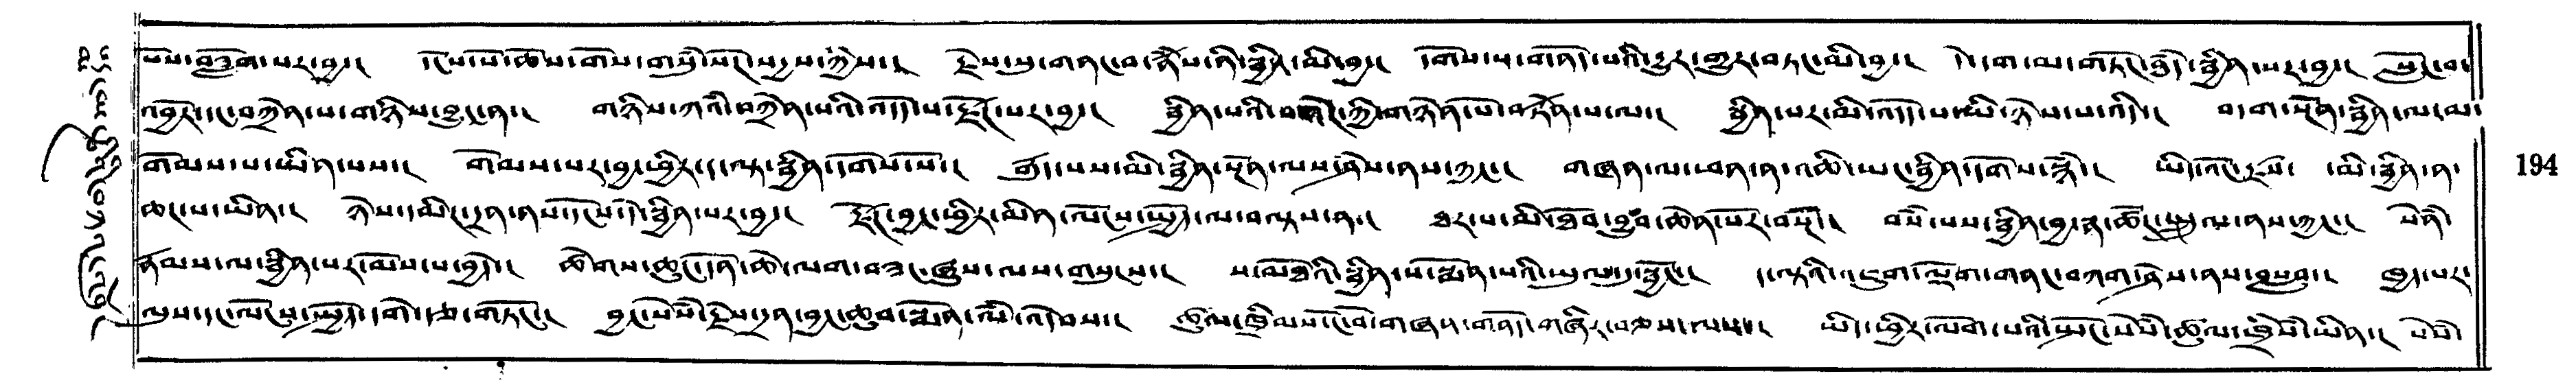པོས་བཟློག་པར་བྱ། །དངོས་པོ་ཆོས་གོས་གསུམ་སོགས་སངས་རྒྱས་ཀྱིས། །རྗེས་སུ་གནང་བ་རྣམས་ནི་སྦྱིན་མི་བྱ། །དགོས་པ་གནོད་པའི་རྒྱུར་འགྱུར་བཏང་མི་བྱ། །དེ་དག་མ་གཏོགས་ཐམས་ཅད་སྦྱིན་པར་བྱ། །སློང་བ་
འབྱོར་དང་བཀྲེན་པ་གཉིས་བྱུང་ན། །གཉིས་ཀའི་བཀྲེན་པའི་འདོད་པ་རྫོགས་པར་བྱ། །སྦྱིན་པའི་གེགས་ཀྱི་གཉེན་པོ་བརྟེན་པ་ལ། །སྦྱིན་པར་མི་འདོད་པ་ཡི་ཉེས་པ་འདི། །བདག་སྔོན་སྦྱིན་ལ་མ་
གོམས་པ་ཡིན་པས། །གོམས་པར་བྱ་ཕྱིར་ད་ལྟ་སྦྱིན་དགོས་སོ། །རྒུད་པས་མི་སྦྱིན་སྔོན་ལས་ཤེས་ནས་ཀྱང་། །གཞན་ལ་ཕན་ན་འཆི་ཡང་སྦྱིན་དགོས་སྙམ། །ཡིད་འོང་རྫས་མི་སྦྱིན་ན་
ཆགས་པ་ཡིན། །ཉེས་དམིགས་དྲན་ནས་དངོས་དེ་སྦྱིན་པར་བྱ། །རྫོགས་བྱང་ཕྱིར་མིན་ལོངས་སྤྱོད་ལ་བལྟས་ན། །ཐར་པ་མི་ཐོབ་བྱང་ཆུབ་ཆེན་པོར་བསྔོ། །བསམ་པས་སྦྱིན་བྱ་སྣ་ཚོགས་སྤྲུལ་ནས་ཀྱང་། །སེམས་ཅན་
རྣམས་ལ་སྦྱིན་པར་མོས་པ་བྱེད། །ཚེགས་ཆུང་དོན་ཆེ་ལག་བཟང་ཞུས་ལས་གསུངས། །ས་མཐོའི་སྦྱིན་པ་སྨོན་པའི་ཡུལ་དུ་སྦྱོང་། །ད་ལྟའི་འཇུག་ལྡོག་གནང་བཀག་ཤེས་ནས་བསླབ། །ཁྱད་པར་
ལུས་དང་ལོངས་སྤྱོད་དགེ་རྩ་གཏོང་། །བྱང་སེམས་རྗེས་དྲན་བྱང་ཆུབ་སྨོན་ལམ་འདེབས། །ཚུལ་ཁྲིམས་ངོ་བོ་གཞན་གནོད་གཞིར་བཅས་ལས། །ཡིད་ཕྱིར་ལོག་པའི་སྤོང་སེམས་ཚུལ་ཁྲིམས་ཡིན། །སེམས་